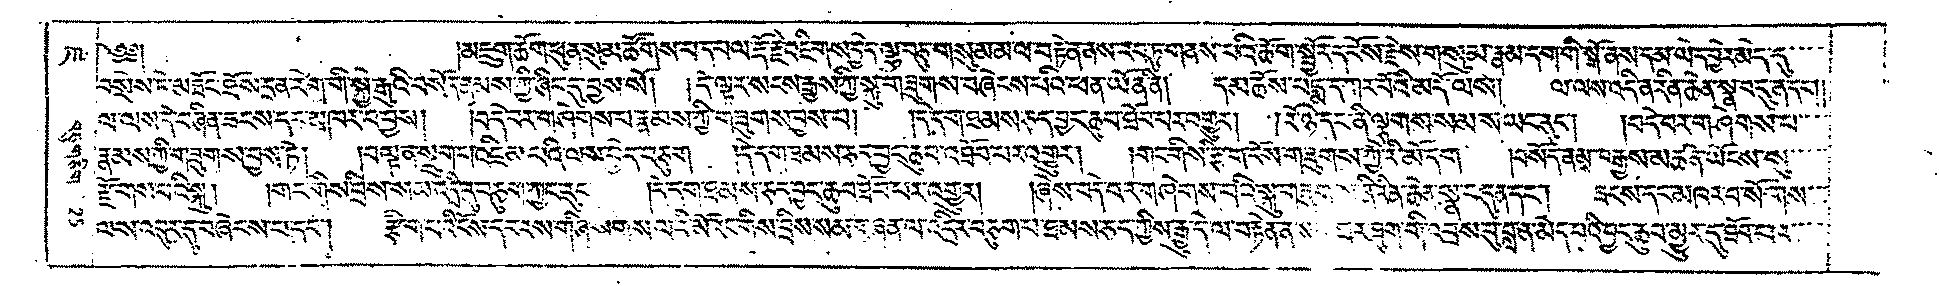༄༅། །མཇུག་ཆོག་ཕུན་སུམ་ཚོགས་པ་དཔལ་རྡོ་རྗེ་འཇིགས་བྱེད་ལྷ་བཅུ་གསུམ་མ་ལ་བརྟེན་ནས་རབ་ཏུ་གནས་པའི་ཆོ་ག་སྦྱོར་དངོས་རྗེས་གསུམ་རྣམ་དག་གི་སྒོ་ནས་དམ་ཡེ་དབྱེར་མེད་དུ་
བསྲེས་ཏེ་མཐོང་ཐོས་དྲན་རེག་གི་སྐྱེ་རྒུའི་བསོད་ནམས་ཀྱི་ཞིང་དུ་བྱས་སོ། །དེ་ལྟར་སངས་རྒྱས་ཀྱི་སྐུ་གཟུགས་བཞེངས་པའི་ཕན་ཡོན་ནི། དམ་ཆོས་པདམ་དཀར་པོའི་མདོ་ལས། ལ་ལས་འདི་ན་རིན་ཆེན་སྣ་བདུན་དང་། །
ལ་ལས་དེ་བཞིན་ཟངས་དང་མཁར་བ་བྱས། །བདེ་བར་གཤེགས་པ་རྣམས་ཀྱི་གཟུགས་བྱས་པ། །དེ་དག་ཐམས་ཅད་བྱང་ཆུབ་ཐོབ་པར་འགྱུར། །རོ་ཉེ་དང་ནི་ལྕགས་སམ་ས་ཡང་རུང་། །བདེ་བར་གཤེགས་པ་
རྣམས་ཀྱི་གཟུགས་བྱས་ཏེ། །བལྟ་ན་སྡུག་པ་འཇིམ་པའི་ལས་བྱེད་བཅུག །དེ་དག་ཐམས་ཅད་བྱང་ཆུབ་འཐོབ་པར་འགྱུར། །གང་གིས་རྩིག་ངོས་གཟུགས་ཀྱི་རི་མོ་དག །བསོད་ནམས་བརྒྱས་མཚན་ཡོངས་སུ་
རྫོགས་པའི་སྐུ། །གང་གིས་བྲིས་སམ་འདྲི་རུ་བཅུག་ཀྱང་རུང་། །དེ་དག་ཐམས་ཅད་བྱང་ཆུབ་ཐོབ་པར་འགྱུར། །ཞེས་བདེ་བར་གཤེགས་པའི་སྐུ་གཟུགས་ནི་རིན་ཆེན་སྣ་བདུན་དང་། ཟངས་དང་མཁར་བ་སོགས་
ལས་འབུར་དུ་བཞེངས་པ་དང་། རྩིག་པའི་ངོས་དང་རས་གཞི་སོགས་ལ་རི་མོ་རང་གིས་བྲིས་སམ་གཞན་ལ་འདྲིར་བཅུག་པ་ཐམས་ཅད་ཀྱིས་རྒྱུ་དེ་ལ་བརྟེན་ནས་མཐར་ཐུག་གི་འབྲས་བུ་བླ་ན་མེད་པའི་བྱང་ཆུབ་མྱུར་དུ་ཐོབ་པར་